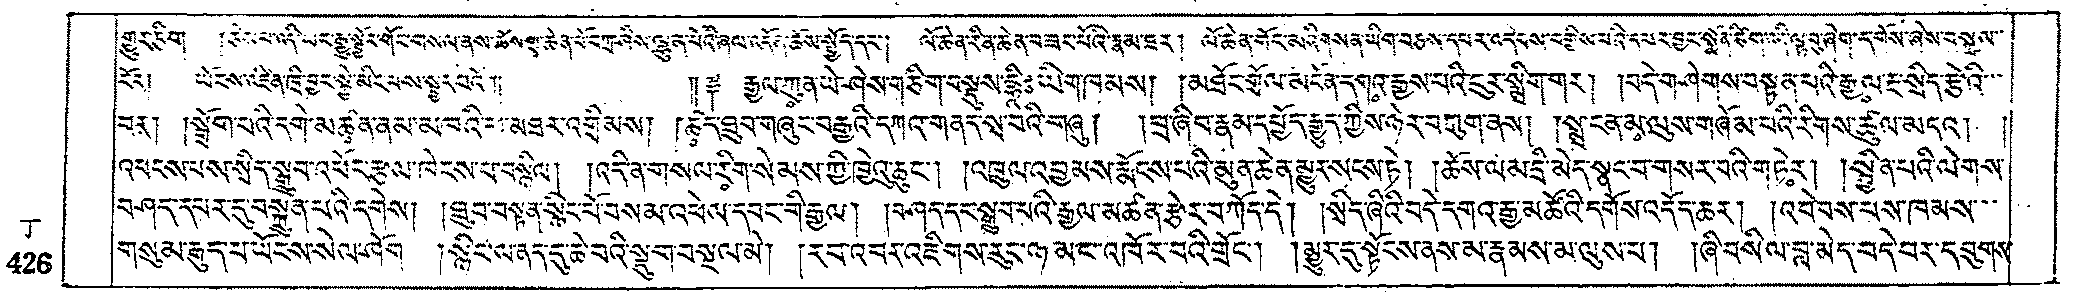གྱུར་ཅིག །ཅེས་པ་འདི་ཡང་རྒྱུ་སྦྱོར་གོང་གསལ་ནས་ཆོས་གྲྭ་ཆེན་པོ་བཀྲ་ཤིས་ལྷུན་པོའི་ཞལ་འདོན་ཆོས་སྤྱོད་དང་། ལོ་ཆེན་རིན་ཆེན་བཟང་པོའི་རྣམ་ཐར། ལོ་ཆེན་གོང་མའི་གསན་ཡིག་བཅས་དཔར་འདེབས་བགྱིས་པའི་དཔར་བྱང་སྨོན་ཚིག་འདི་ལྟ་བུ་ཞིག་དགོས་ཞེས་བསྐྲལ་་་
ངོར། ཡོངས་འཛིན་ཁྲི་བྱང་སྐྱེ་མིང་པས་སྦྱར་བའོ།། །། འ་རྒྱལ་ཀུན྾་ཡེ་ཤེས་གཅིག་བསྡུས་དྷཱིཿཡིག་ཁམས། །མཐོང་གྲོལ་མངོན་དགའ྾་རྒྱས་པའི་ངུར་སྨྲིག་གར། །བདེ་གཤེགས་བསྟན་པའི་རྒྱལ྾་རྔ་སྲིད་རྩེའི་་་
བར། །སྒྲོག་པའི་དགེ་མཚནཿ ནམ་མཁའི་ཕ་མཐར་འགྲིམས། །ཚད྾་ཐུབ་གཞུང་བརྒྱའི་དཀའ་གནད་སྤ་བའི་གཞུ། །ཕྲ་ཞིབ་རྣམ་དཔྱོད་རྒྱུད་ཀྱིས་ཉེར་བཀུག་ནས། །སྨྲ་ངང་མ྾་ལུས་གཞོམ་པའི་རིགས་ཚུལ་མདའ། །
འཕངས་པས་སྲིད་སྒྲུབ་འཕོང་རྩལ་ཁེངས་པ་བསྙིལ། །འདི་ན་གསལ་རིག྾་སེམས་ཀྱི་ཁྱེའུ་ཆུང་། །འཁྲུལ་འབྱམས་རྨོངས་པའི་མུན་ཆེན་མྱུར་སངས་ཏེ། །ཆོས་ལམ་དྲི་མེད་སྣང་བ་གསར་བའི་གཏེར྾། །སྦྱིན་པའི་ལེགས་
བཤད་དཔར་དུ་བསྐྲུན་པའི་དགེས། །ཐུབ་བསྟན་སྙིང་པོ་བསམ་འཕེལ་དབང་གི་རྒྱལ། །བཤད་དང་སྒྲུབ་པའི་རྒྱལ་མཚན་རྩེར་བཀོད་དེ། །སྲིད་ཞིའི་བདེ་དགའ་རྒྱ་མཚོའི་དགོས་འདོད་ཆར། །འབེབས་པས་ཁམྶ་་་
གསུམ་རྒྱུད་པ་ཡོངས་སེལ་ཤོག །སྙིང་ལ་ནད་དུ་ཆེ་བའི་སྡུག་བསྔལ་མེ། །རབ་འབར་འཇིགས་རུང་ཉམ་པ་འཁོར་བའི་གྲོང་། །མྱུར་དུ་སྟོངས་ནས་མ་རྣམས་མ་ལུས་པ། །ཞི་བསིལ་བླ་མེད་བདེ་བར་དབུགས་